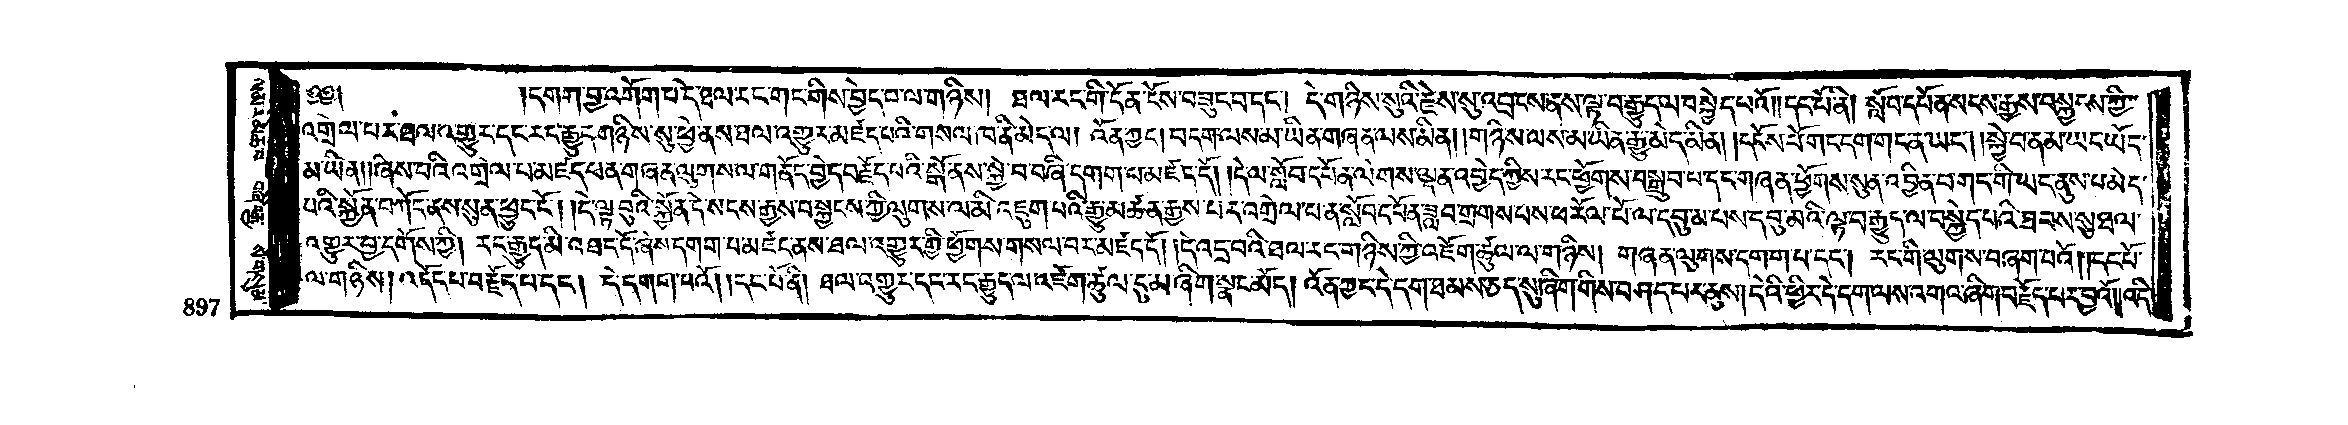༄༅། །དགག་བྱ་འགོག་པ་དེ་ཐལ་རང་གང་གིས་བྱེད་པ་ལ་གཉིས། ཐལ་རང་གི་དོན་ངོས་བཟུང་བ་དང་། དེ་གཉིས་སུའི་རྗེས་སུ་འབྲངས་ནས་ལྟ་བ་རྒྱུད་ལ་བསྐྱེད་པའོ། །དང་པོ་ནི། སློབ་དཔོན་སངས་རྒྱས་བསྐྱངས་ཀྱི་
འགྲེལ་པར་ཐལ་འགྱུར་དང་རང་རྒྱུད་གཉིས་སུ་ཕྱེ་ནས་ཐལ་འགྱུར་མཛད་པའི་གསལ་ཁ་ནི་མེད་ལ། འོན་ཀྱང་། བདག་ལས་མ་ཡིན་གཞན་ལས་མིན། །གཉིས་ལས་མ་ཡིན་རྒྱུ་མེད་མིན། །དངོས་པོ་གང་དག་གང་ན་ཡང་། །སྐྱེ་བ་ནམ་ཡང་ཡོད་
མ་ཡིན། །ཞེས་པའི་འགྲེལ་པ་མཛད་པ་ན་གཞན་ལུགས་ལ་གནོད་བྱེད་བརྗོད་པའི་སྒོ་ནས་སྐྱེ་བ་བཞི་དགག་པ་མཛད་དོ། །དེ་ལ་སློབ་དཔོན་ལེགས་ལྡན་འབྱེད་ཀྱིས་རང་ཕྱོགས་བསྒྲུབ་པ་དང་གཞན་ཕྱོགས་སུན་འབྱིན་པ་གང་གི་ཡང་ནུས་པ་མེད་
པའི་སྐྱོན་བཀོད་ནས་སུན་ཕྱུང་ངོ། །དེ་ལྟ་བུའི་སྐྱོན་དེ་སངས་རྒྱས་བསྐྱངས་ཀྱི་ལུགས་ལ་མི་འཇུག་པའི་རྒྱུ་མཚན་རྒྱས་པར་འགྲེལ་པ་ན་སློབ་དཔོན་ཟླ་བ་གྲགས་པས་ཕ་རོལ་པོ་ལ་དབུ་མ་པས་དབུ་མའི་ལྟ་བ་རྒྱུད་ལ་བསྐྱེད་པའི་ཐབས་སུ་ཐལ་
འགྱུར་བྱ་དགོས་ཀྱི། རང་རྒྱུད་མི་འཐད་དོ་ཞེས་དགག་པ་མཛད་ནས་ཐལ་འགྱུར་གྱི་ཕྱོགས་གསལ་བར་མཛད་དོ། །དེ་འདྲ་བའི་ཐལ་རང་གཉིས་ཀྱི་འཇོག་ཚུལ་ལ་གཉིས། གཞན་ལུགས་དགག་པ་དང་། རང་གི་ལུགས་བཞག་པའོ། །དང་པོ་
ལ་གཉིས། འདོད་པ་བརྗོད་པ་དང་། དེ་དགག་པའོ། །དང་པོ་ནི། ཐལ་འགྱུར་དང་རང་རྒྱུད་ལ་འཇོག་ཚུལ་དུ་མ་ཞིག་སྣང་མོད། འོན་ཀྱང་དེ་དག་ཐམས་ཅད་སུ་ཞིག་གིས་བཤད་པར་ནུས། དེའི་ཕྱིར་དེ་དག་ལས་འགའ་ཞིག་བརྗོད་པར་བྱའོ། །འདི་